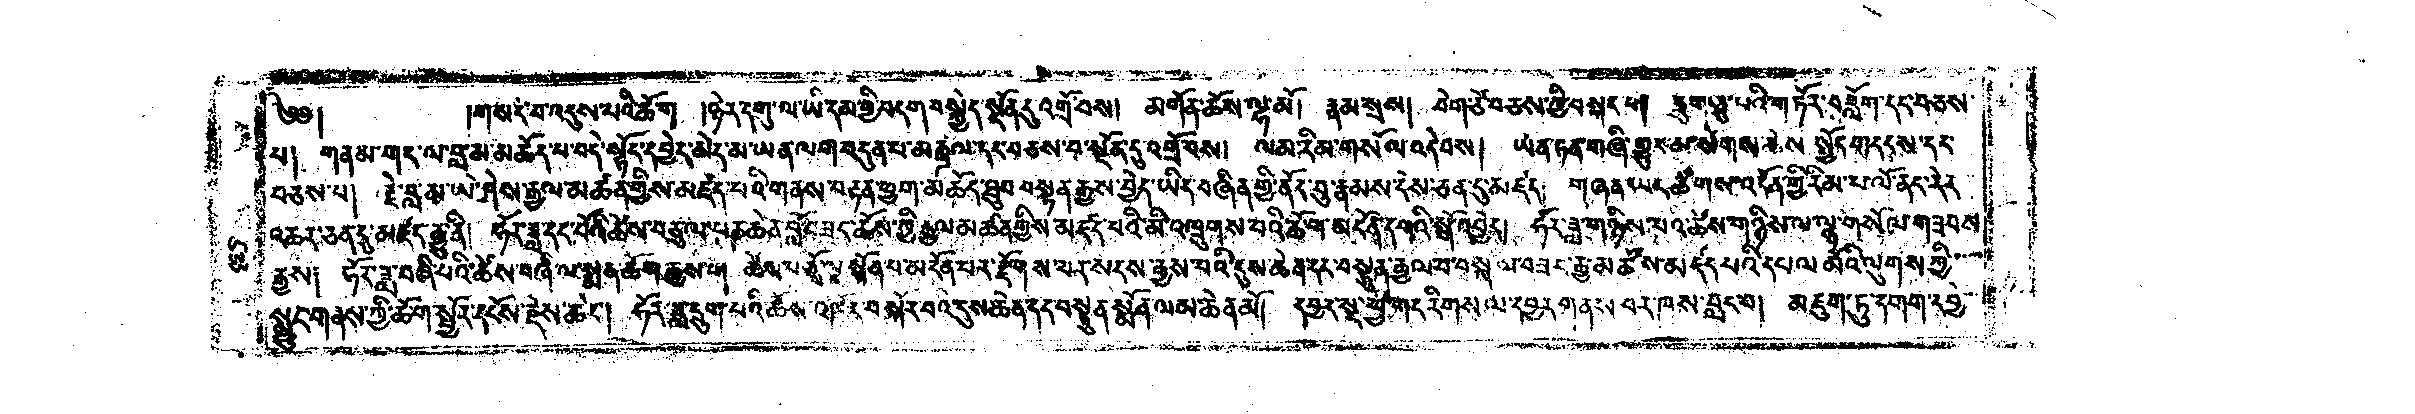༄༅། །གསང་བ་འདུས་པའི་ཆོ་ག །ཉེར་དགུ་ལ་ཡི་དམ་གྱི་བདག་བསྐྱེད་སྔོན་དུ་འགྲོ་བས། མགོན་ཆོས་ལྷ་མོ། རྣམ་སྲས། བེག་ཙེ་བཅས་ཀྱི་བསྐང་བ། དྲུག་ཅུ་པའི་གཏོར་བཟློག་དང་བཅས་
པ། གནམ་གང་ལ་བླ་མ་མཆོད་པ་བདེ་སྟོང་དབྱེར་མེད་མ་ཡན་ལག་བདུན་པ་མཎྜལ་དང་བཅས་པ་སྔོན་དུ་འགྲོ་བས། ལམ་རིམ་གསོལ་འདེབས། ཡོན་ཏན་གཞི་གྱུར་མ་སོགས་ཆོས་སྤྱོད་གདངས་དང་
བཅས་པ། རྗེ་བླ་མ་ཡེ་ཤེས་རྒྱལ་མཚན་གྱིས་མཛད་པའི་གནས་བརྟན་ཕྱག་མཆོད་ཐུབ་བསྟན་རྒྱས་བྱེད་ཡིད་བཞིན་གྱི་ནོར་བུ་རྣམས་ངེས་ཅན་དུ་མཛད། གཞན་ཡང་ཚོགས་འདོན་གྱི་རིམ་པ་ལོ་ནང་རེར་
འཆར་ཅན་དུ་མཛད་རྒྱུ་ནི། ཧོར་ཟླ་དང་པོའི་ཚེས་བཅུ་ལ་པཎ་ཆེན་བློ་བཟང་ཆོས་ཀྱི་རྒྱལ་མཚན་གྱིས་མཛད་པའི་མི་འཁྲུགས་པའི་ཆོ་ག་མངོན་དགའི་སྒོ་འབྱེད། ཧོར་ཟླ་གཉིས་པའི་ཚེས་གཉིས་ལ་ལྷ་གསོལ་གཟབས་
རྒྱས། ཧོར་ཟླ་བཞི་པའི་ཚེས་བཞི་ལ་སྨན་ཆོག་རྒྱས་པ། ཚེས་བཅོ་ལྔ་སྟོན་པ་མངོན་པར་རྫོགས་པར་སངས་རྒྱས་པའི་དུས་ཆེན་དང་བསྟུན་རྒྱལ་བ་བསྐལ་བཟང་རྒྱ་མཚོས་མཛད་པའི་དཔལ་མོའི་ལུགས་ཀྱི་
སྨྱུང་གནས་ཀྱི་ཆོ་ག་སྦྱོར་དངོས་རྗེས་ཚང་། ཧོར་ཟླ་དྲུག་པའི་ཆོས་འཁོར་བསྐོར་བའི་དུས་ཆེན་དང་བསྟུན་སྨོན་ལམ་ཆེན་མོ། དབྱར་སྔ་ཕྱི་གང་རིགས་ལ་དབྱར་གནས་པར་ཁས་བླང་བ། མཇུག་ཏུ་དགག་དབྱེ་